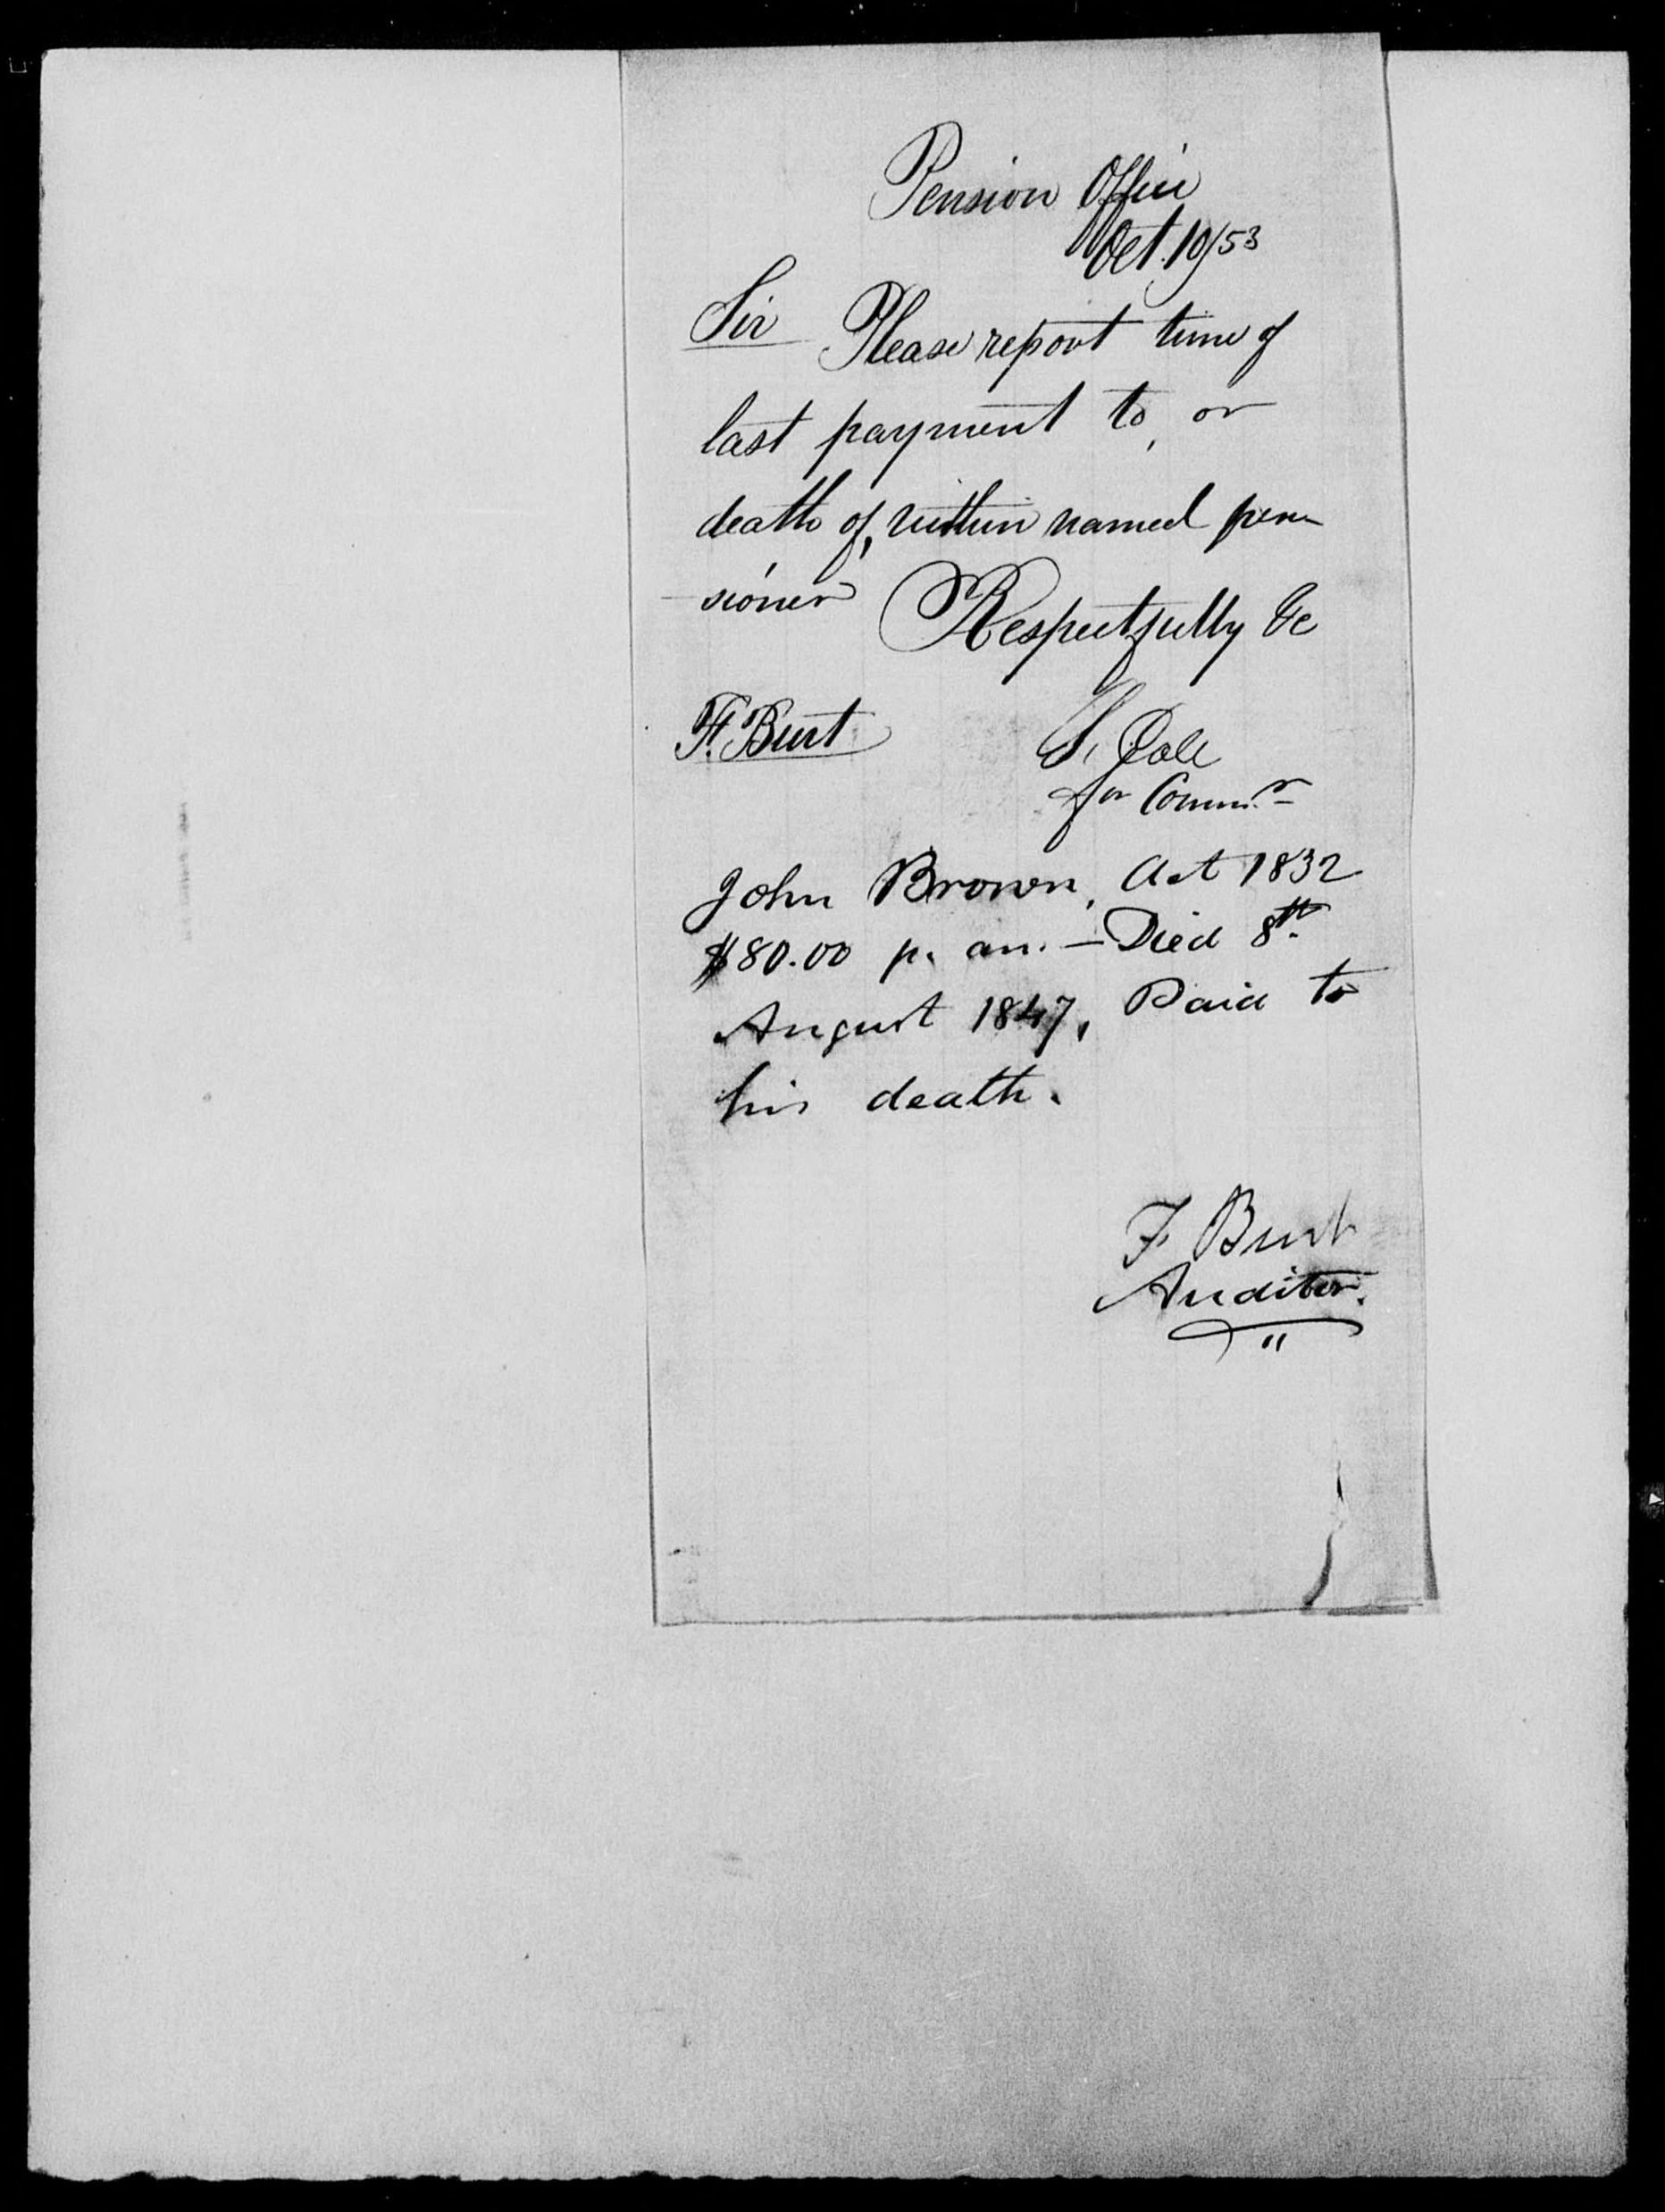Pension Office
Oct 10/53
Sir
Please report time of
last payment to, or
death of written named 
pensioner
Respectfully be
F. Burt
S. Cole
for
Comm

John Brown, Oct 1832
$80.00 per an - Died 8th
August 1847. Paid to
his death.
F. Burt
Auditor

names: S Cole, F Burt, F Burt, John Brown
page: 30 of 85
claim: widow's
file: W. 5,906, John Brown, S.C.